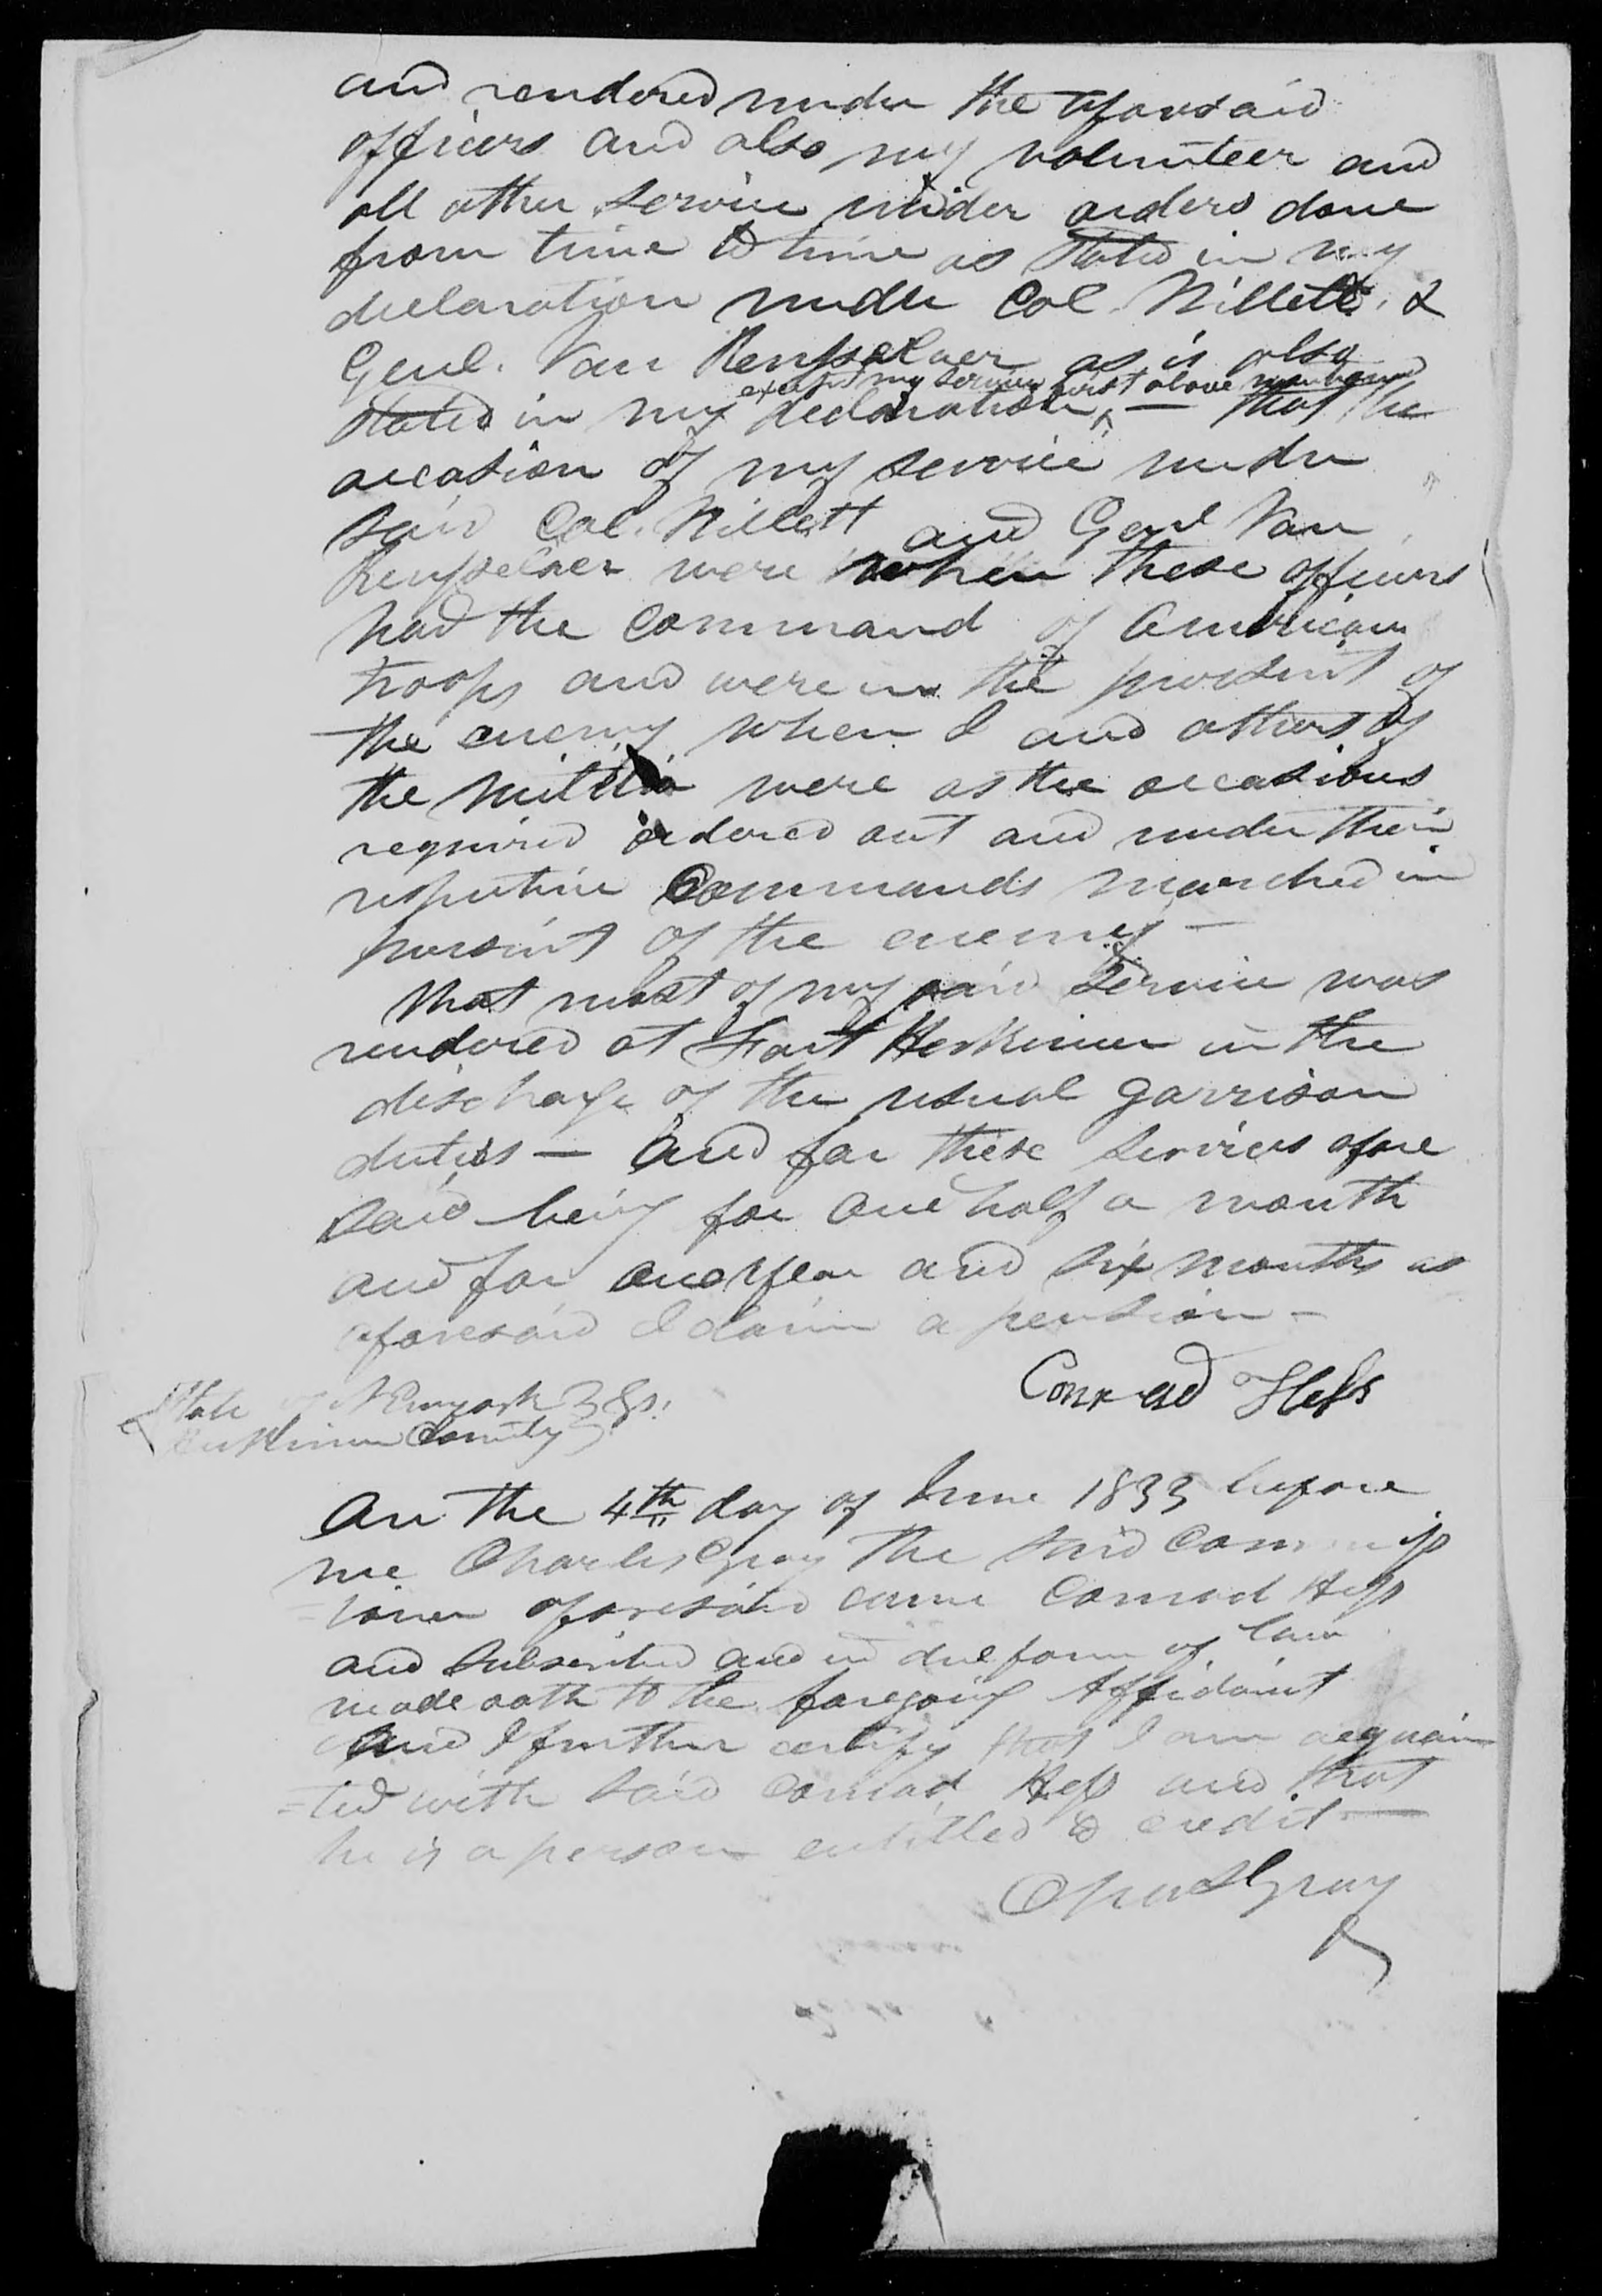[handwritten]

and rendered under the aforesaid officers and also my volunteer and all other service under ordered done from time to time as stated in my declaration under Col Willett & Genl. Van Rensselaer as is also stated in my declaration ^[insert] except my service first above mentioned - that the occasion of my service under said Col. Willett and Genl Van Rensselaer were when these officers had the command of American troops and and were in the pursuit of the enemy when I and others of the militia were as the occasions required ordered out and render their [?] commands marched in pursuit of the enemy -
That most of my said service was rendered at Fort Herkimer in the discharge of the usual garrison duties - and for these services aforesaid being for one half a month and for one year and six months as aforesaid I claim a pension -
Conrad Hess [signature]

State of New York}
Herkimer County} SS.
On the 4th day of June 1833 before me Charles Gray the said commissioner aforesaid [?] Conrad Hess and subscribed and in due form of law made oath to the foregoing affidavit and I further certify that I am acquainted with said Conrad Hess and that he is a person entitled to credit
Chas Gray [signature]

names: Willett, Charles Gray, Willett, Van Rensselaer, Conrad Hess, Garrison, Van Rensselaer, Chas Gray, Conrad Hess, Conrad Hess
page: 24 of 30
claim: rejected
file: R. 4927, Conrad Hess, New York